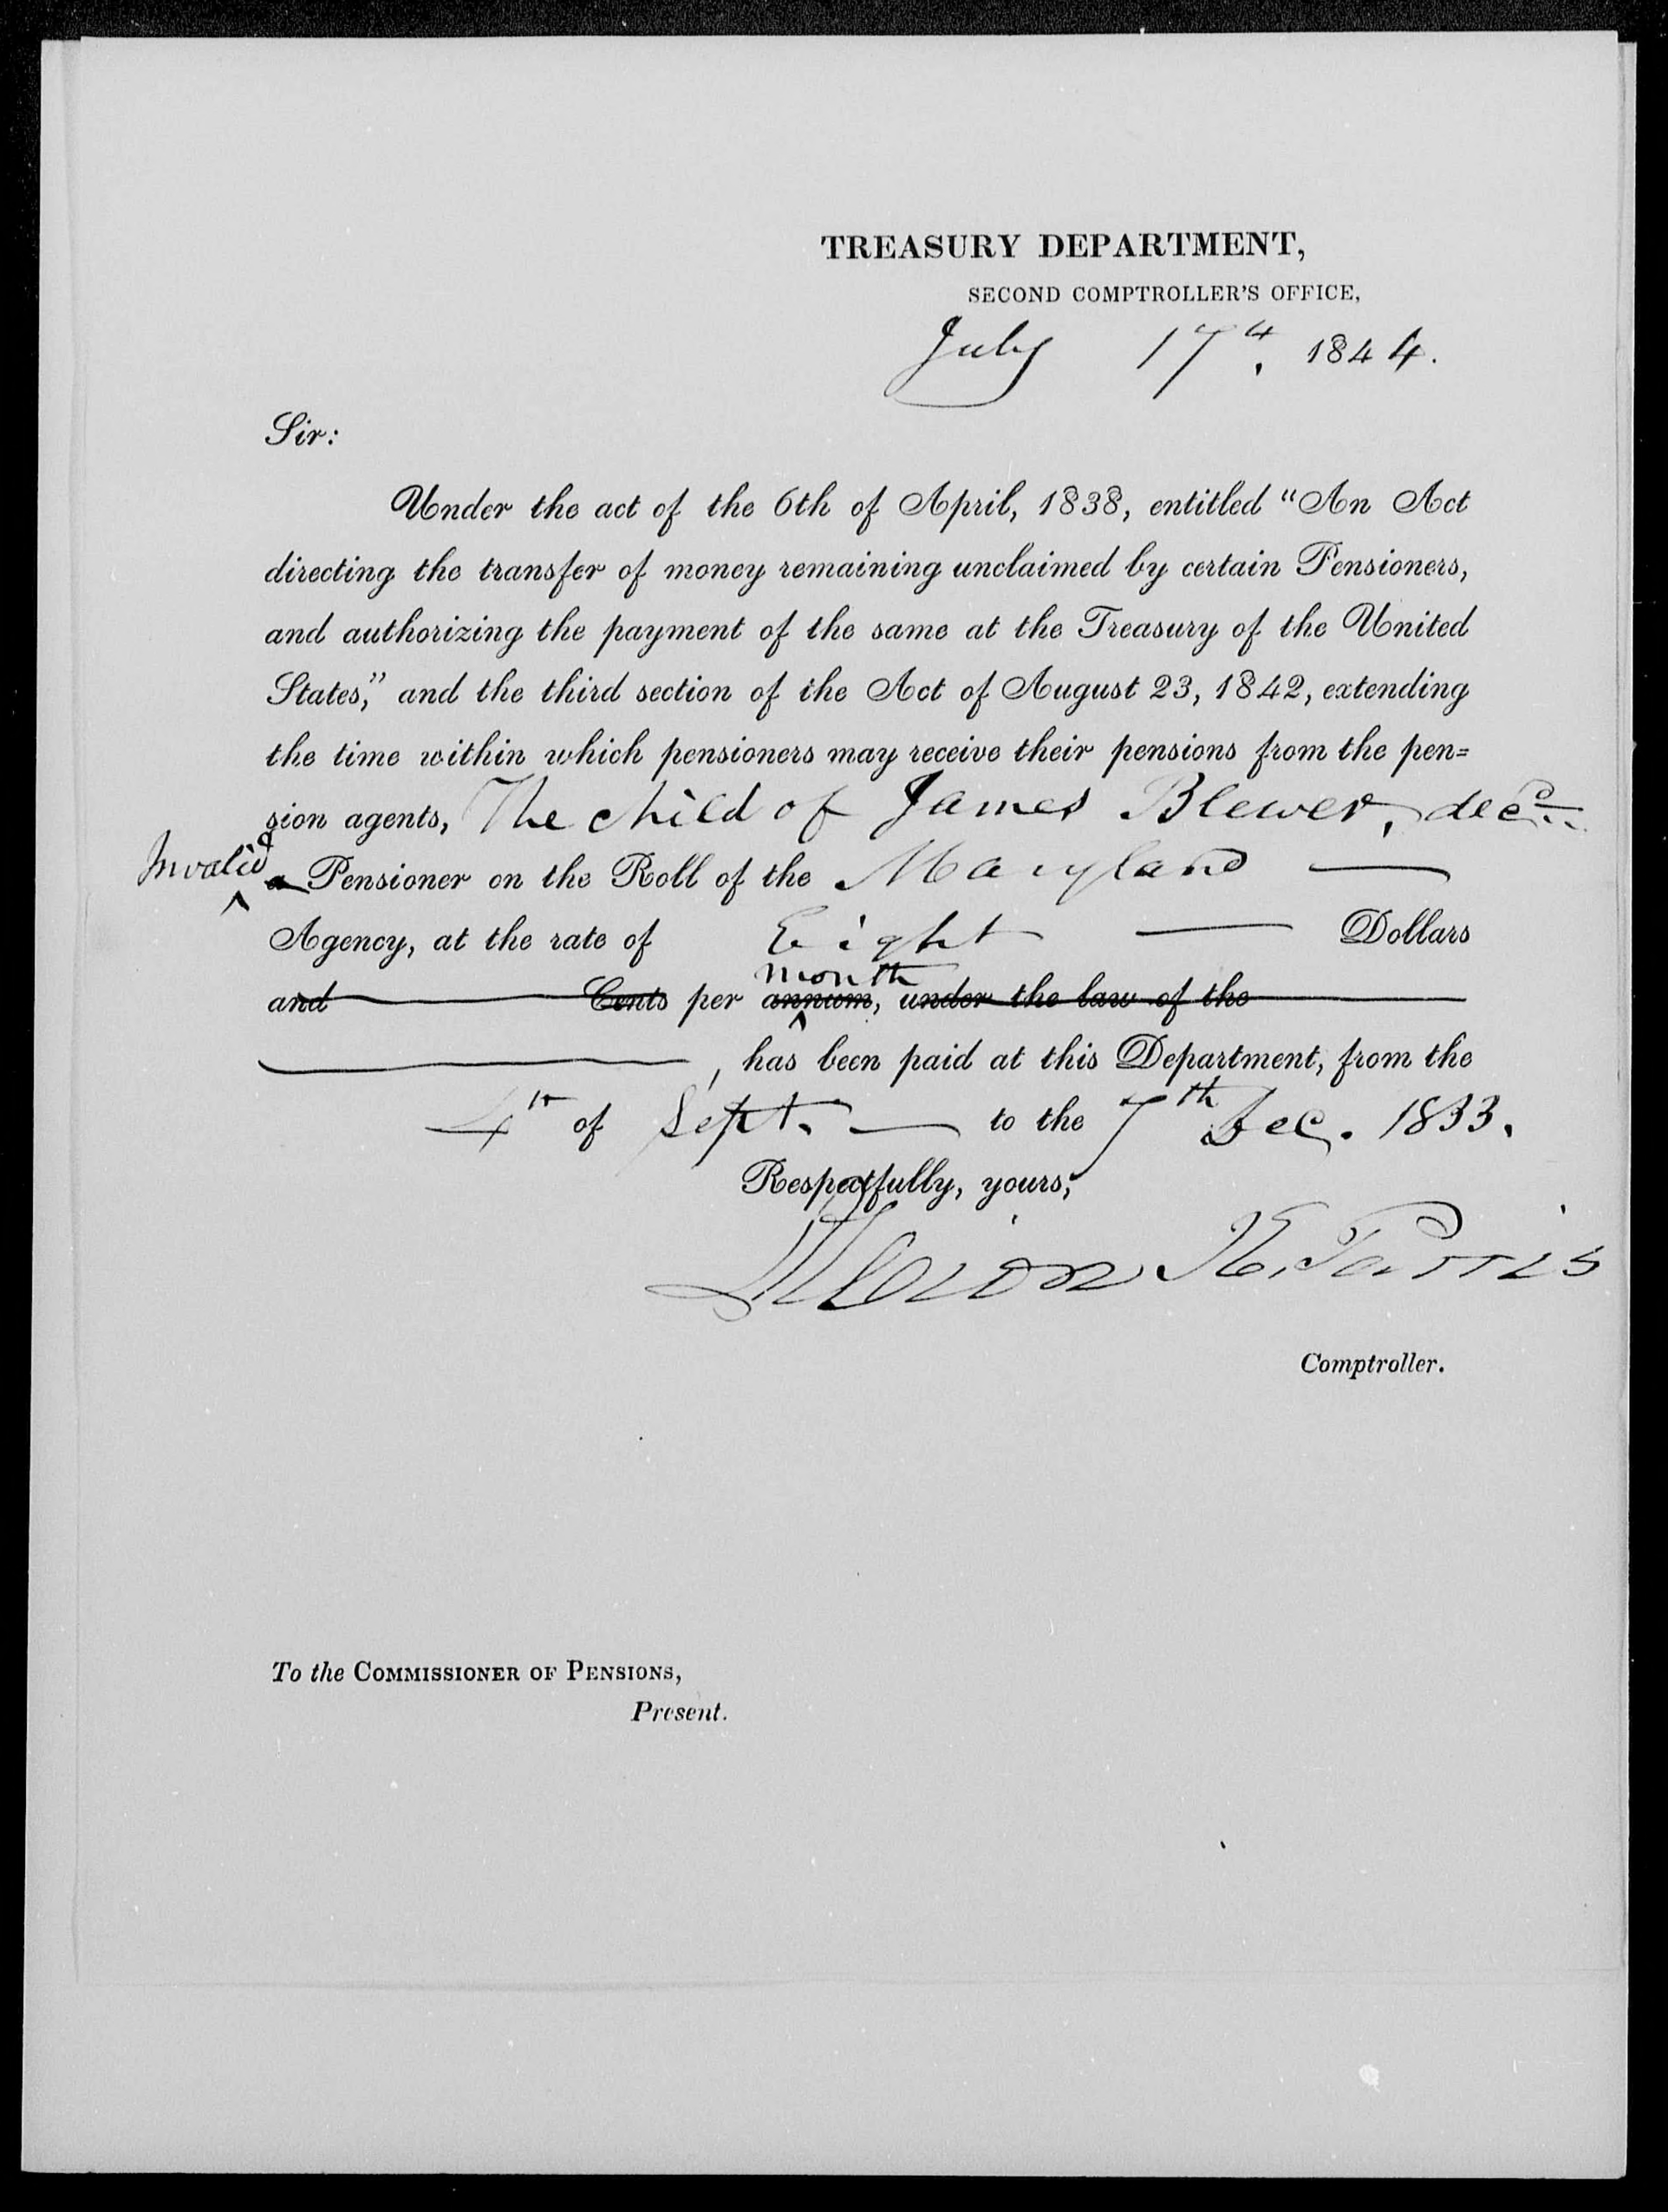Treasury Department,
Second Comptroller's Office
July 17th, 1844
Sir:
Under the act of the 6th of April, 1838, entitled "An act directing the transfer of money remaining unclaimed by certain Pensioners, and authorizing the payment of the same at the Treasury of the United States," and the third section of the Act of August 23, 1842, extending the time within which pensioners may receive their pensions from the pension agents, the child of James Blewer, deceased [abbreviated, dec'd] invalid [intertextual] Pensioner on the Roll of the Maryland Agency, at the rate of eight Dollars per month [standard form lined out], has been paid at this Department, from the 4th of Sept to the 7th Dec. 1833.
Respectfully, yours,
Albion K. Parris [signed]
Comptroller.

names: James Blewer, Albion K Parris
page: 5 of 30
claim: survivor's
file: S. 10093, James Blewer, Md.